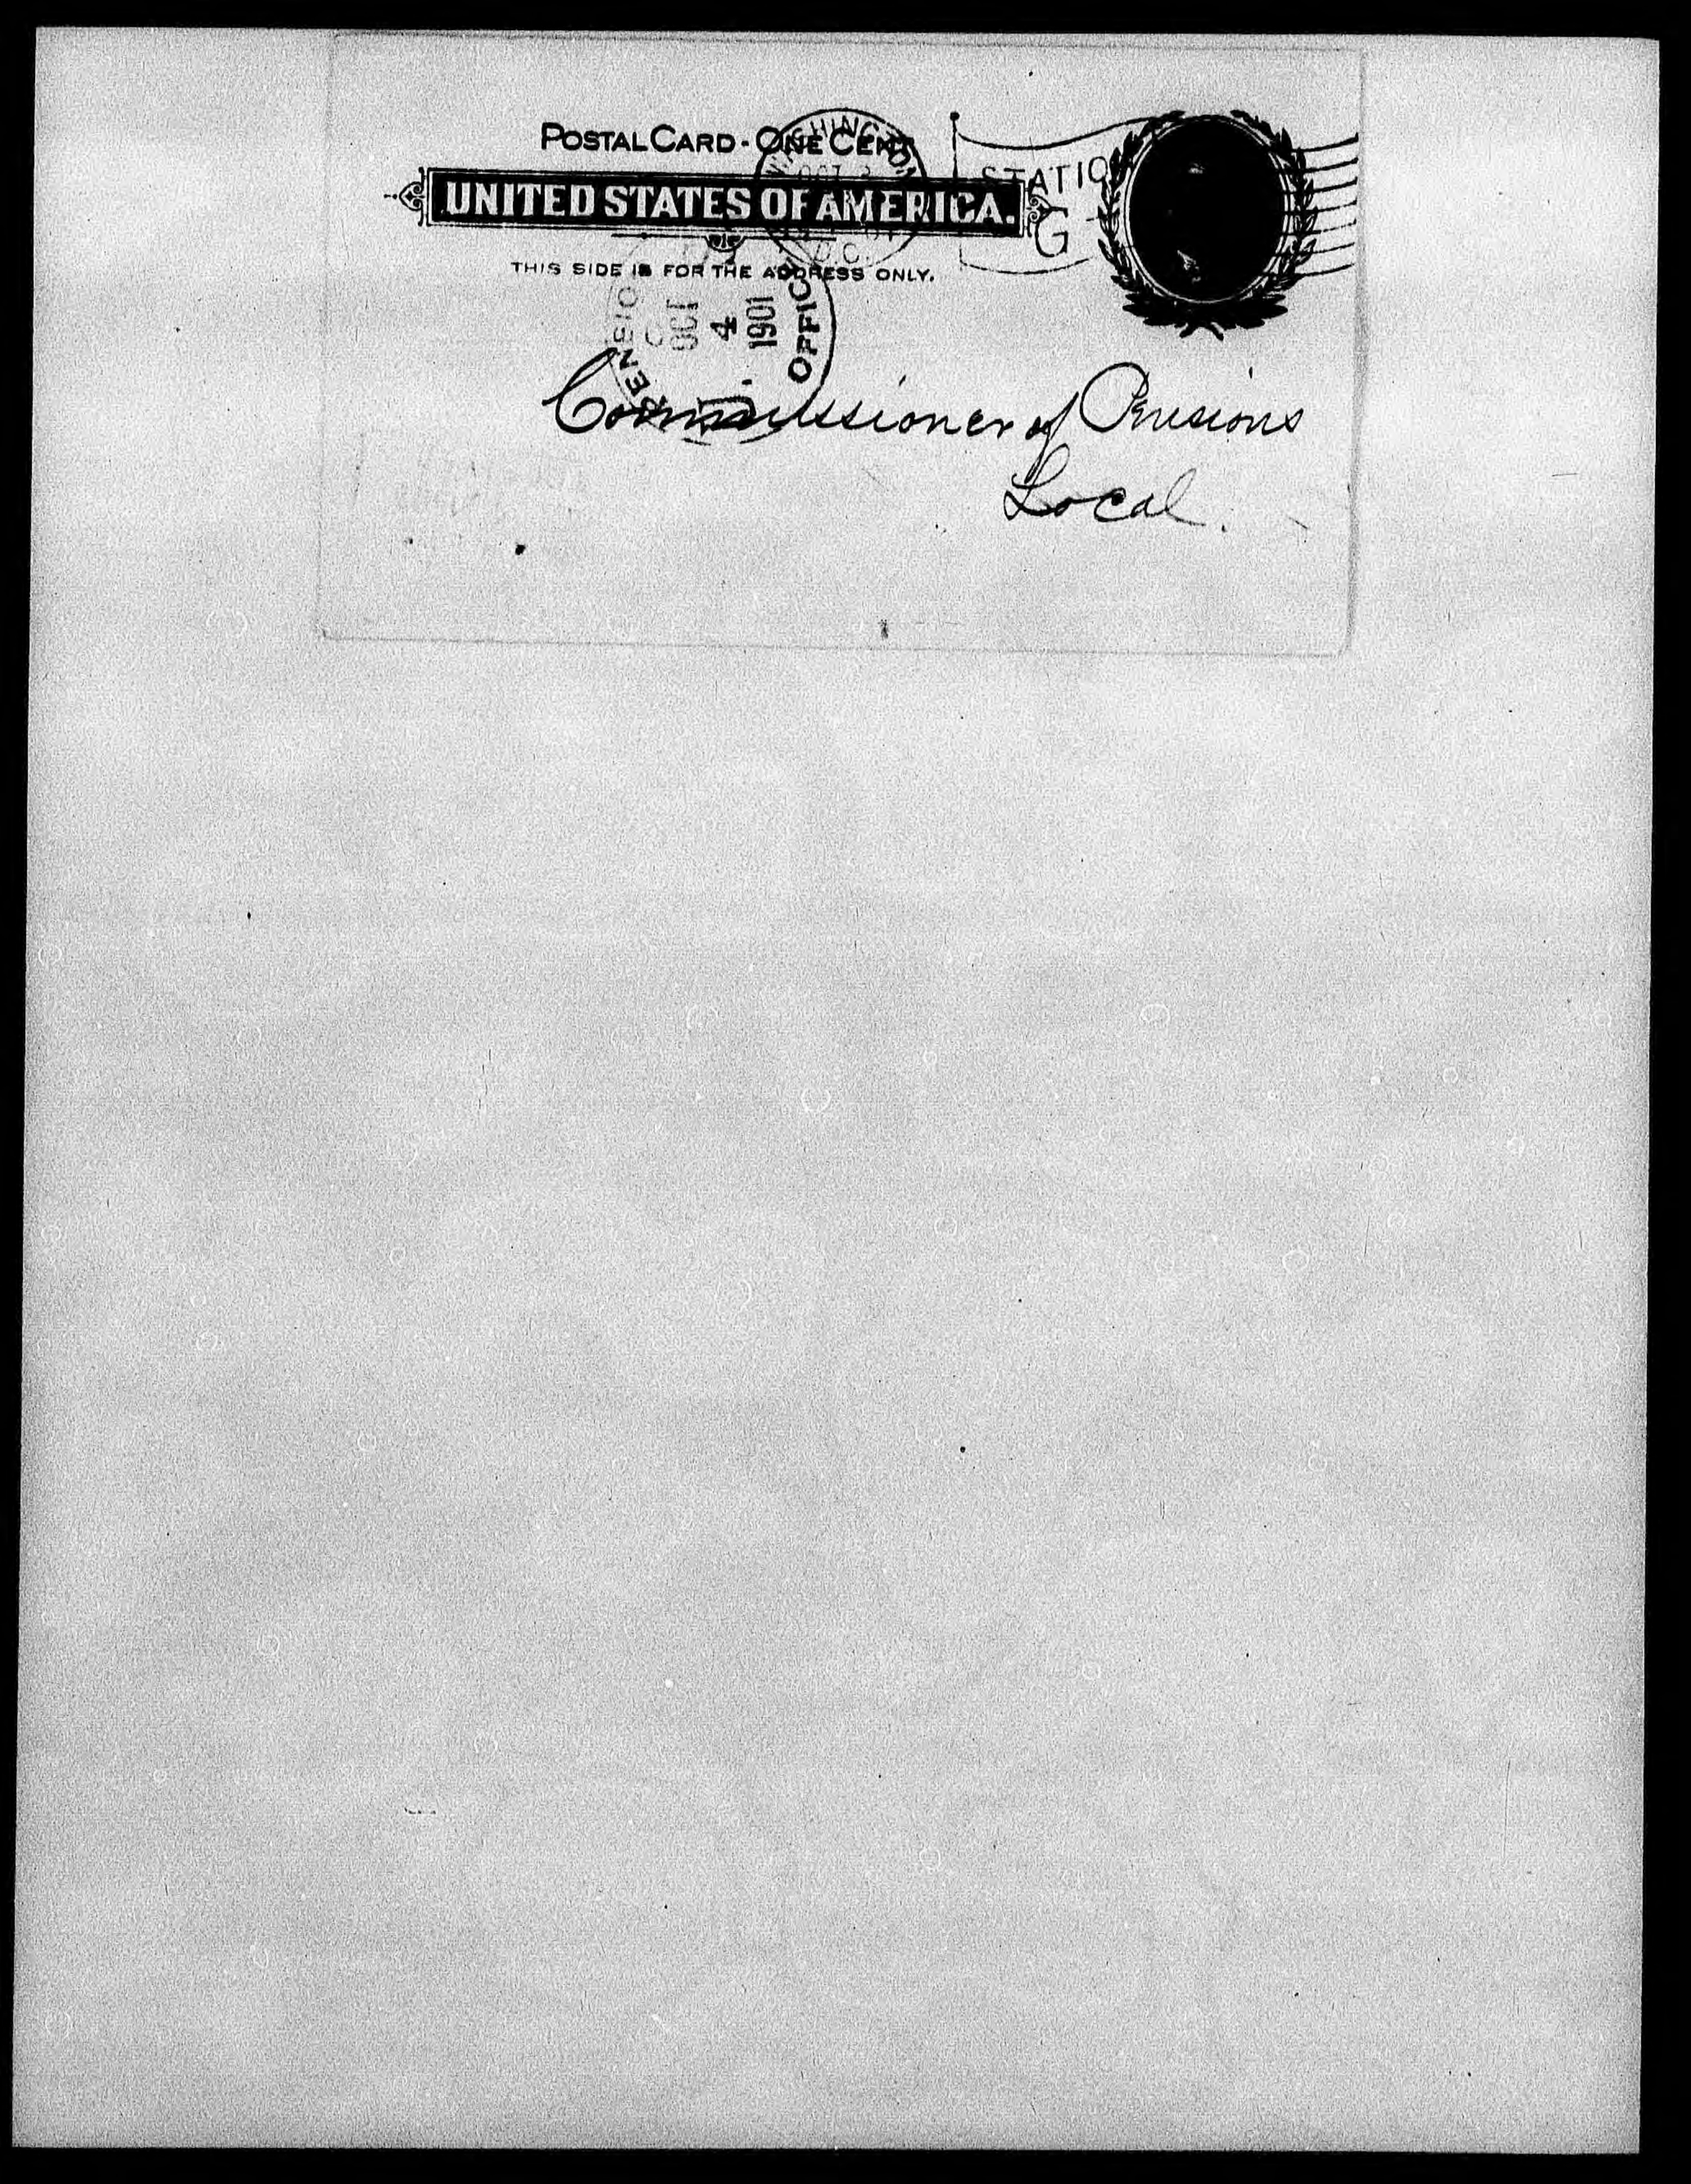Postal Card - One Cent
[stamped] Washington DC Oct [illegible]
Station G
UNITED STATED OF AMERICA
THIS SIDE FOR THE ADDRESS ONLY
[stamped] Commissioner Office Oct 4,1901
[handwritten] Commissioner of Pensions
Local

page: 8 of 20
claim: bounty land warrant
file: B. L. Wt. 1102-300, for Robert Kirkwood, Delaware